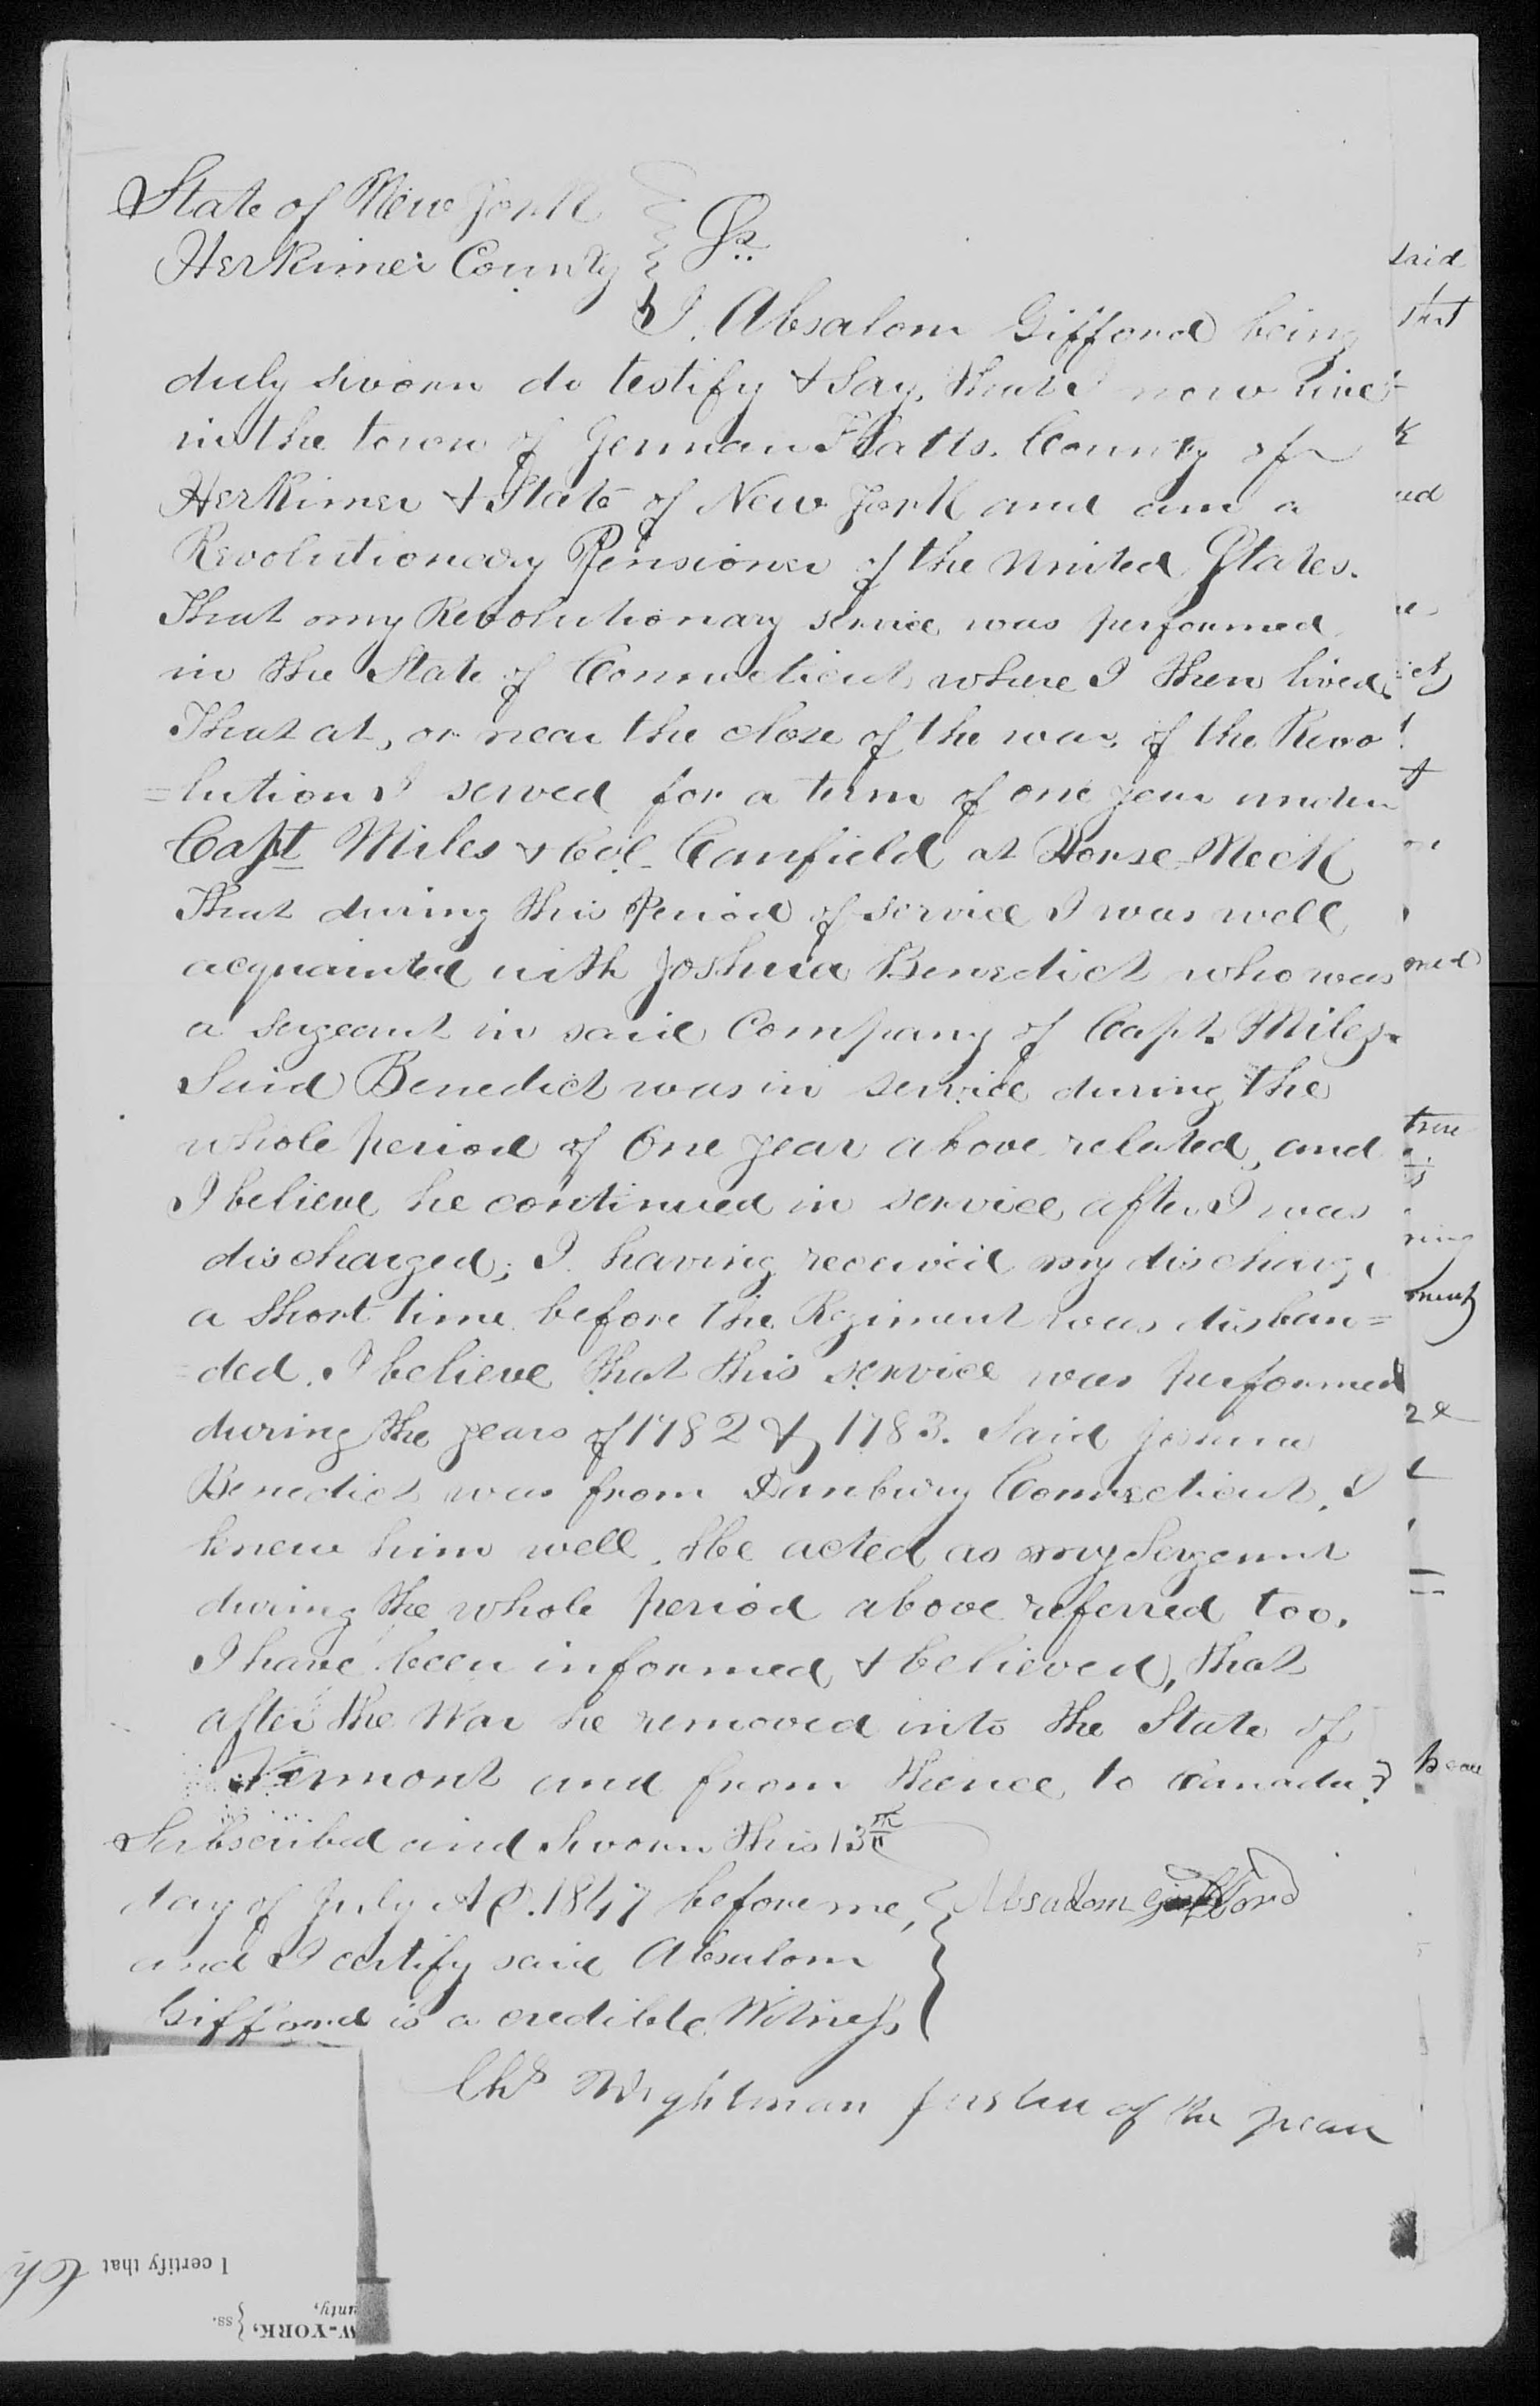State of New York
Herkimer County } Ss
I Absalom Gifford being duly sworn do testify & say, That I now live in the town of German Flatts, County of Herkimer & State of New York and am a Revolutionary Pensioner of the United States. That my Revolutionary service was performed in the State of Connecticut where I then lived. That at, or near the close of the war of the Revolution I served for a term of one year under Capt. Miles & Col. Canfield at Horse Neck That during this Period of service I was well acquainted with Joshua Benedict who was a Sergeant in said Company of Capt. Miles. Said Benedict was in service during the whole period of One year above related, and I believe he continued in service after I was discharged; I having received my discharge a short time before the Regiment was disbanded I believe that this service was performed during the year of 1782 & 1783. Said Joshua Benedict was from Danbury Connecticut, I knew him well, He acted as my Sergeant during the whole period above referred too [to]. I have been informed & believed, that after the War he removed into the State of Vermont and from thence to Canada.
Absalom Gifford

Subscribed and Sworn this 13th day of July AD. 1847 before me, and I certify said Absalom Gifford is a credible Witness
Chs Wightman Justice of the peace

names: Miles, Absalom Gifford, Benedict, Canfield, Absalom Gifford, Joshua Benedict, Absalom Gifford, Miles, Joshua Benedict, Chs Brightman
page: 54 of 106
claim: survivor's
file: S 23,116., Joshua Benedict, Conn.